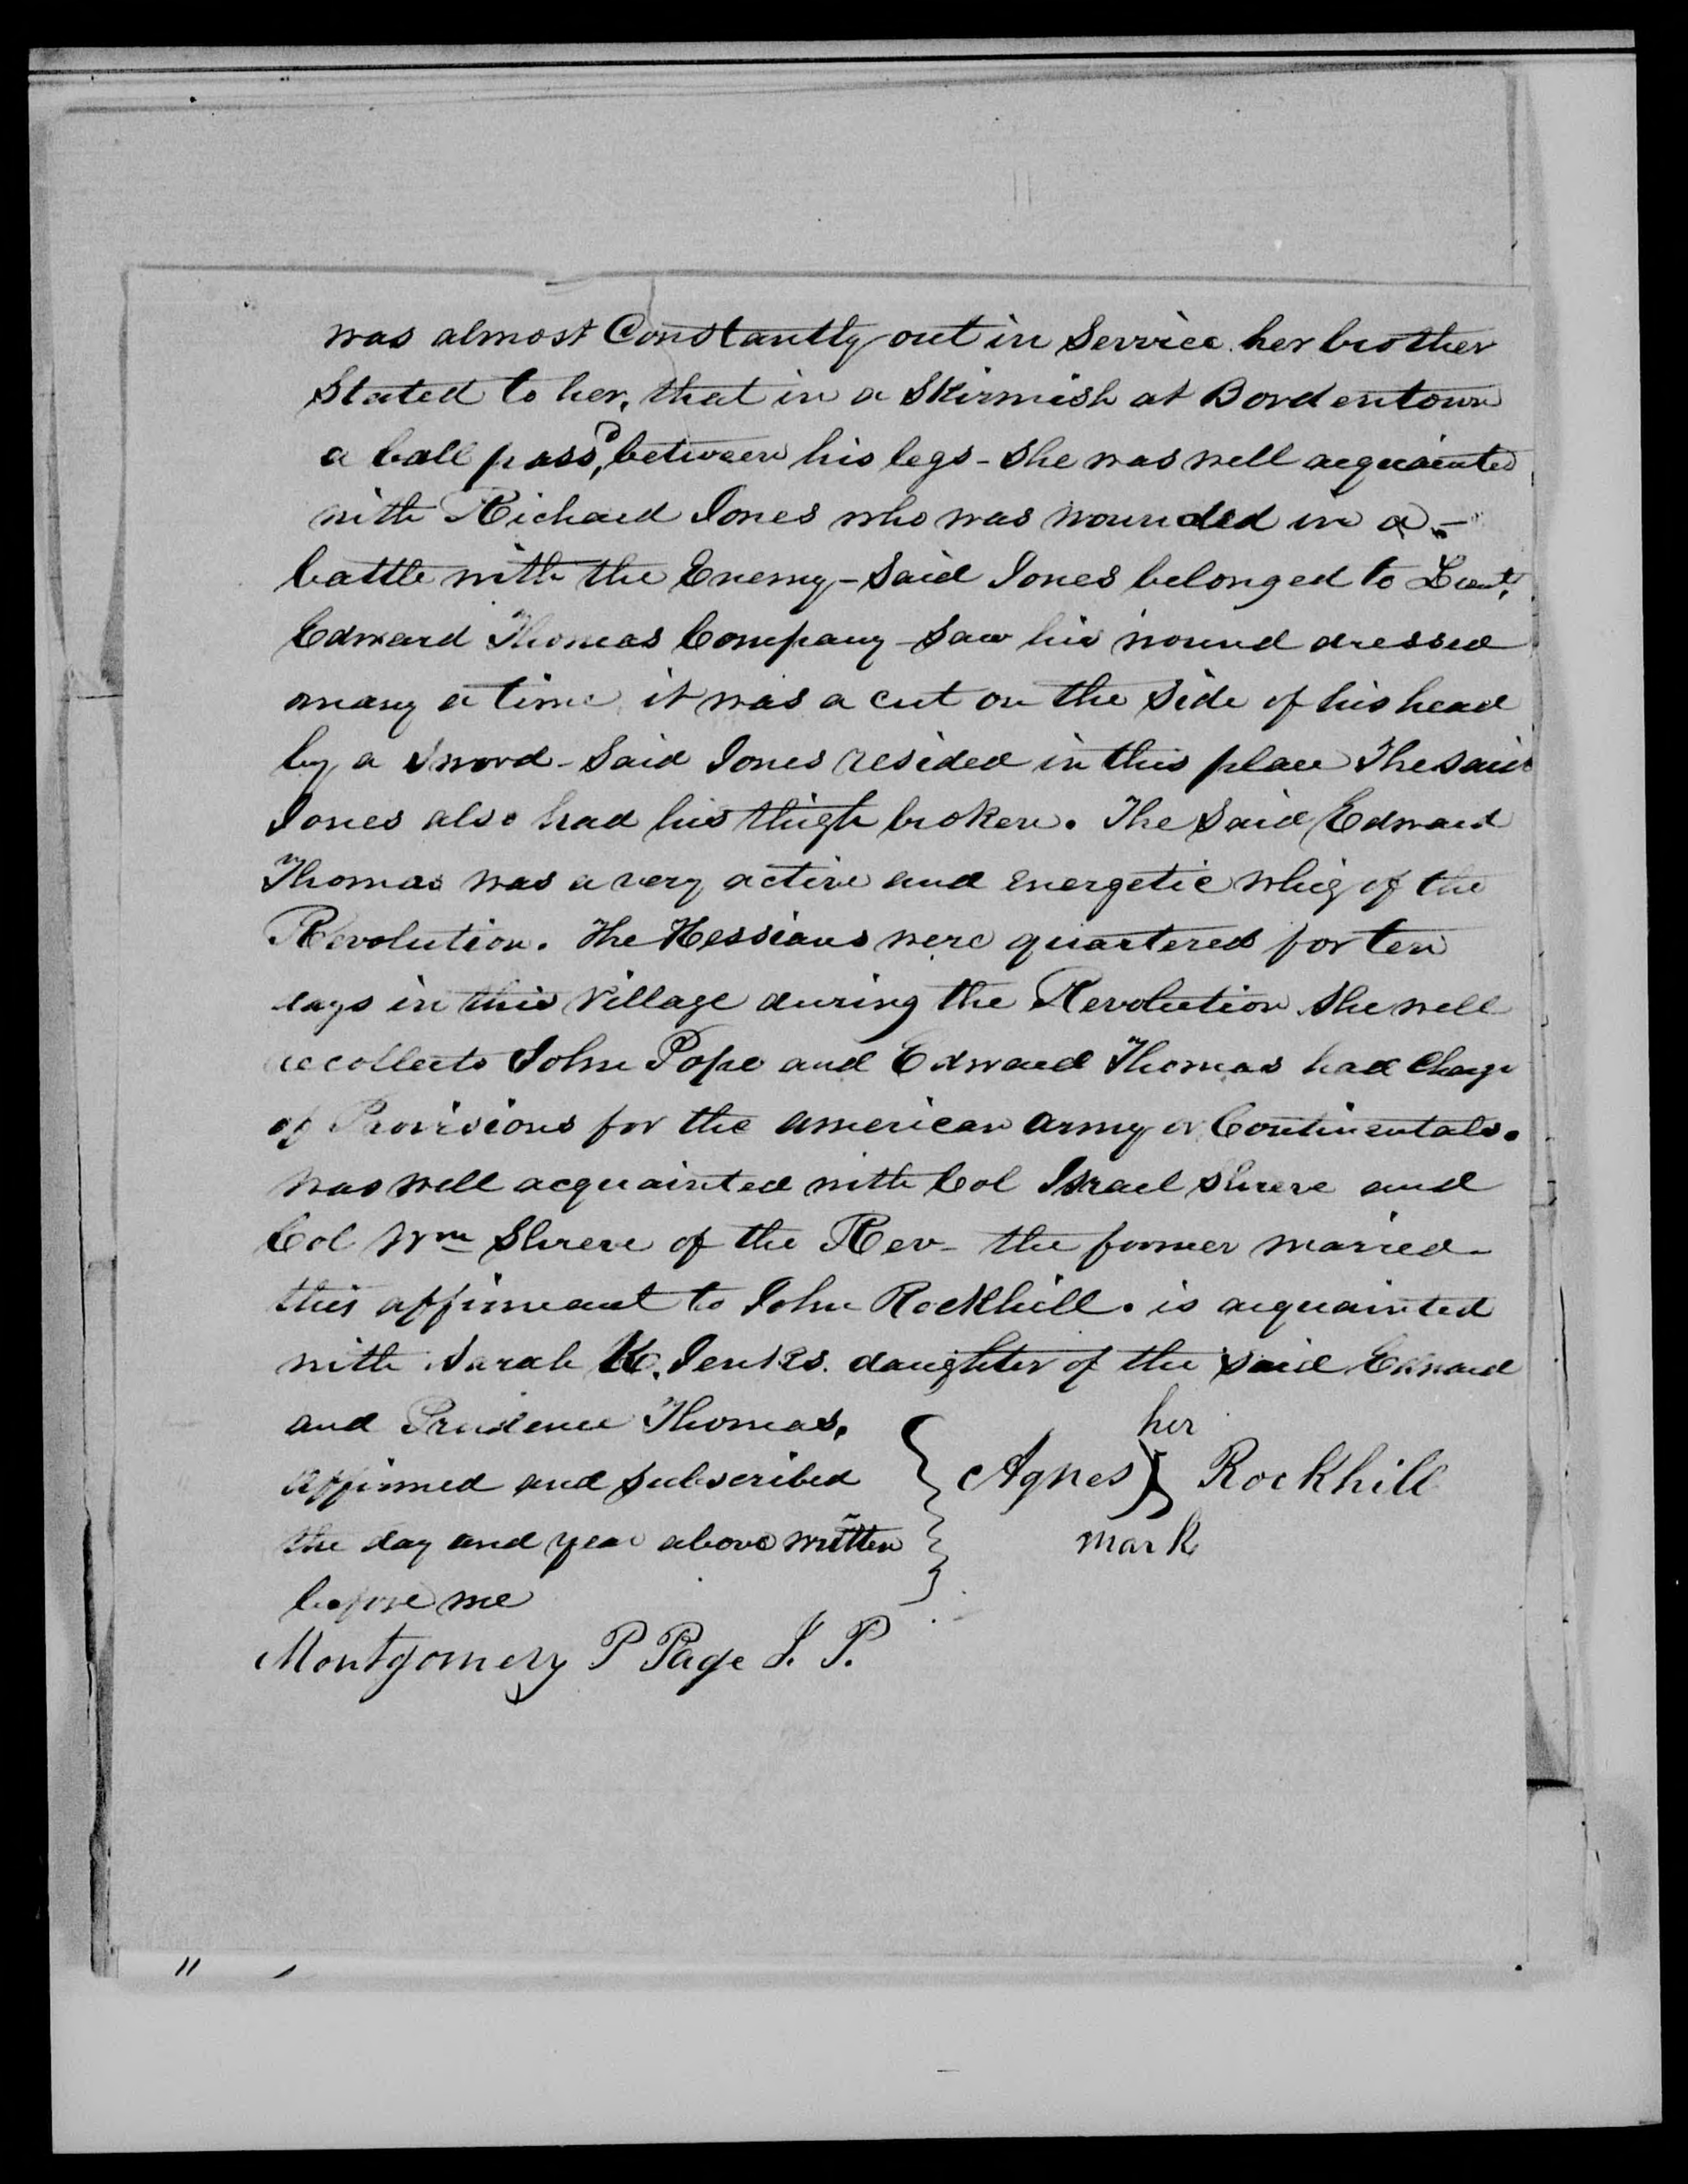was almost constantly out in Service her brother stated to her that in a skirmish at Bordentown a ball passed between his legs. She was well acquainted with Richard Jones who was wounded in a battle with the Enemy. Said Jones belonged to Lieut. Edward Thomas Company. Saw his wound dressed many a time it was a cut on the side of his head by a sword. Said Jones resided in this place. The said Jones also had his thigh broken. The said Edward Thomas was a very active and energetic [illegible] of the Revolution. The Hessians were quartered for ten days in this village during the Revolution. She well recollects John Pope and Edward Thomas had charge of Provisions for the American Army or Continentals. Was well acquainted with Col. Israel Shreve and Col. William Shreve of the Rev. The former married this affirmant to John Rockhill. Is acquainted with Sarah K Jenks, daughter of the said Edward and Prudence Thomas. Affirmed and subscribed the day and year above written before me. 
Montgomery P Page J.P 

Agnes Rockhill 
her mark X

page: 7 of 25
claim: rejected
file: R. 10513, for Edward Thomas, New Jersey